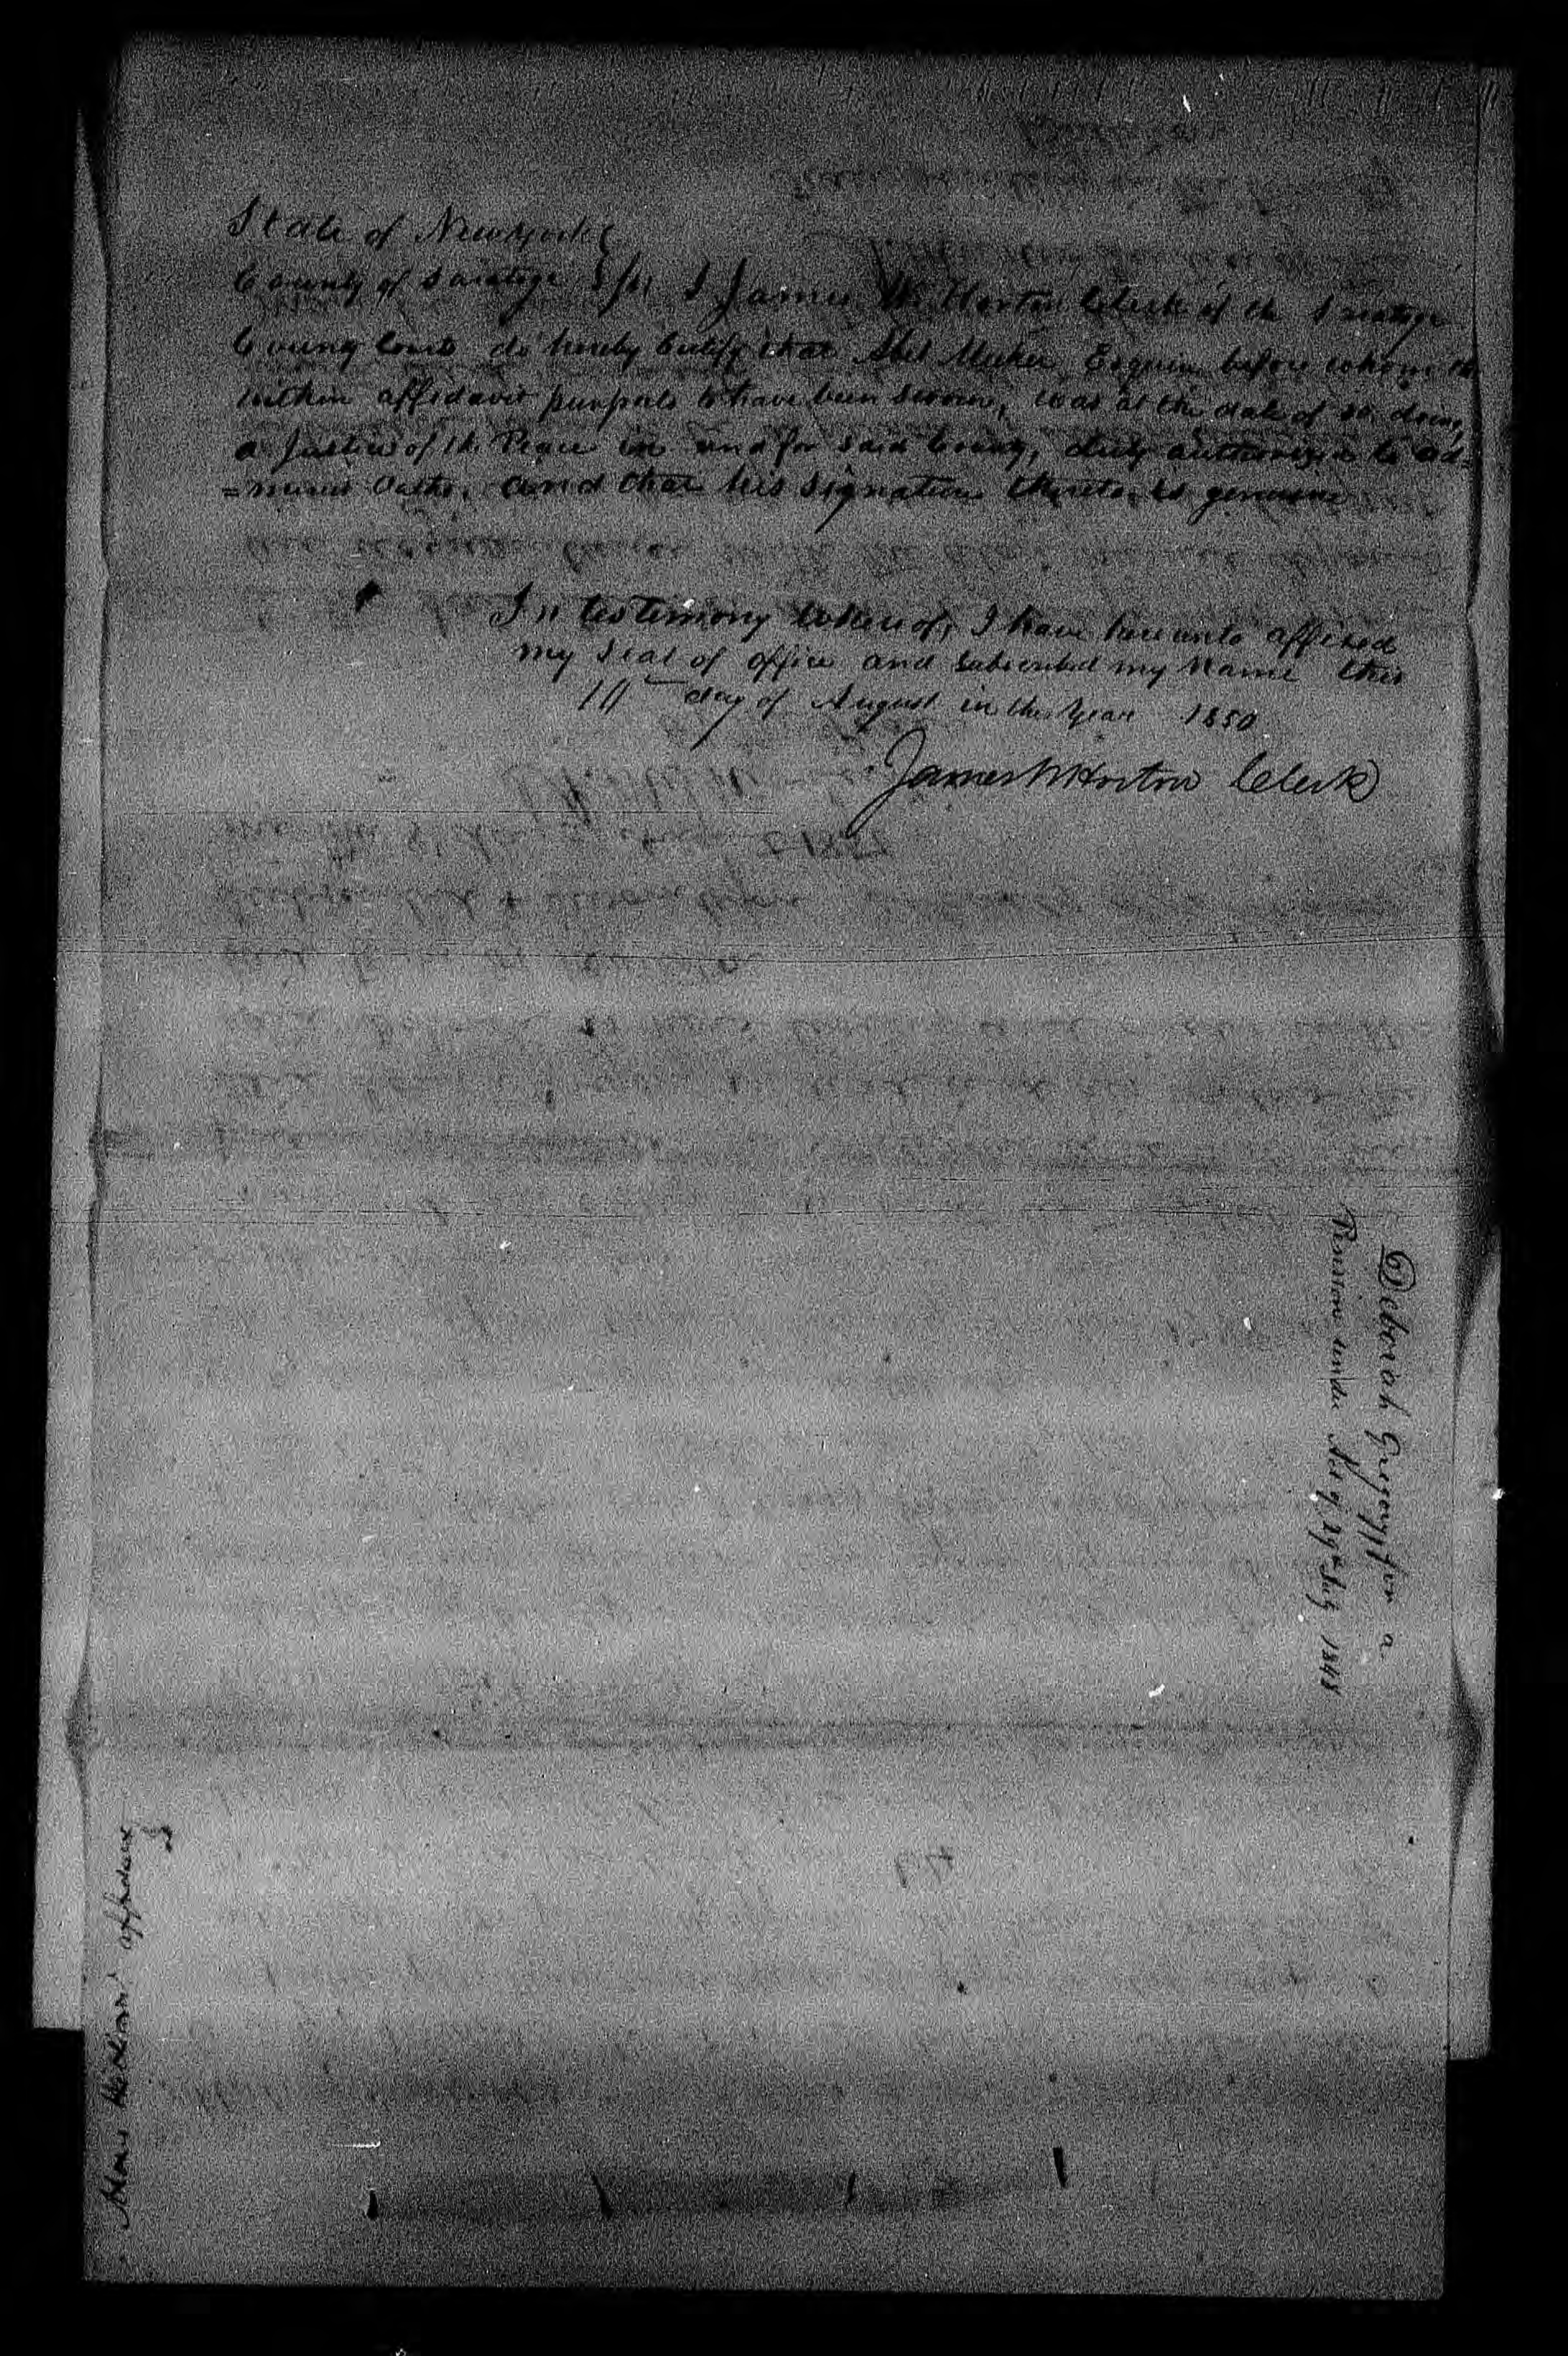State of New York
County of Saratoga}Ss. I James W. Horton Clerk of the Saratoga County Courts do hereby certify that Abel Meeker Esquire before whom the within affidavit purports to have been sworn, was at the date of so doing a Justice of the Peace in and for said County, duly authorized to administer oaths, and that his signature thereto is genuine.
In testimony, whereof, I have hereunto affixed my seal of office and subscribed my name this 11th day of August in the year 1850.
James W. Horton Clerk

Deborah Gregory, for a Pension under Act 29th July 1848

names: Moses Williams, Deborah Gregory, James W Horton, Abel Meeker, James W Horton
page: 31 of 34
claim: widow's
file: W. 1596, Joseph Gregory, Conn.